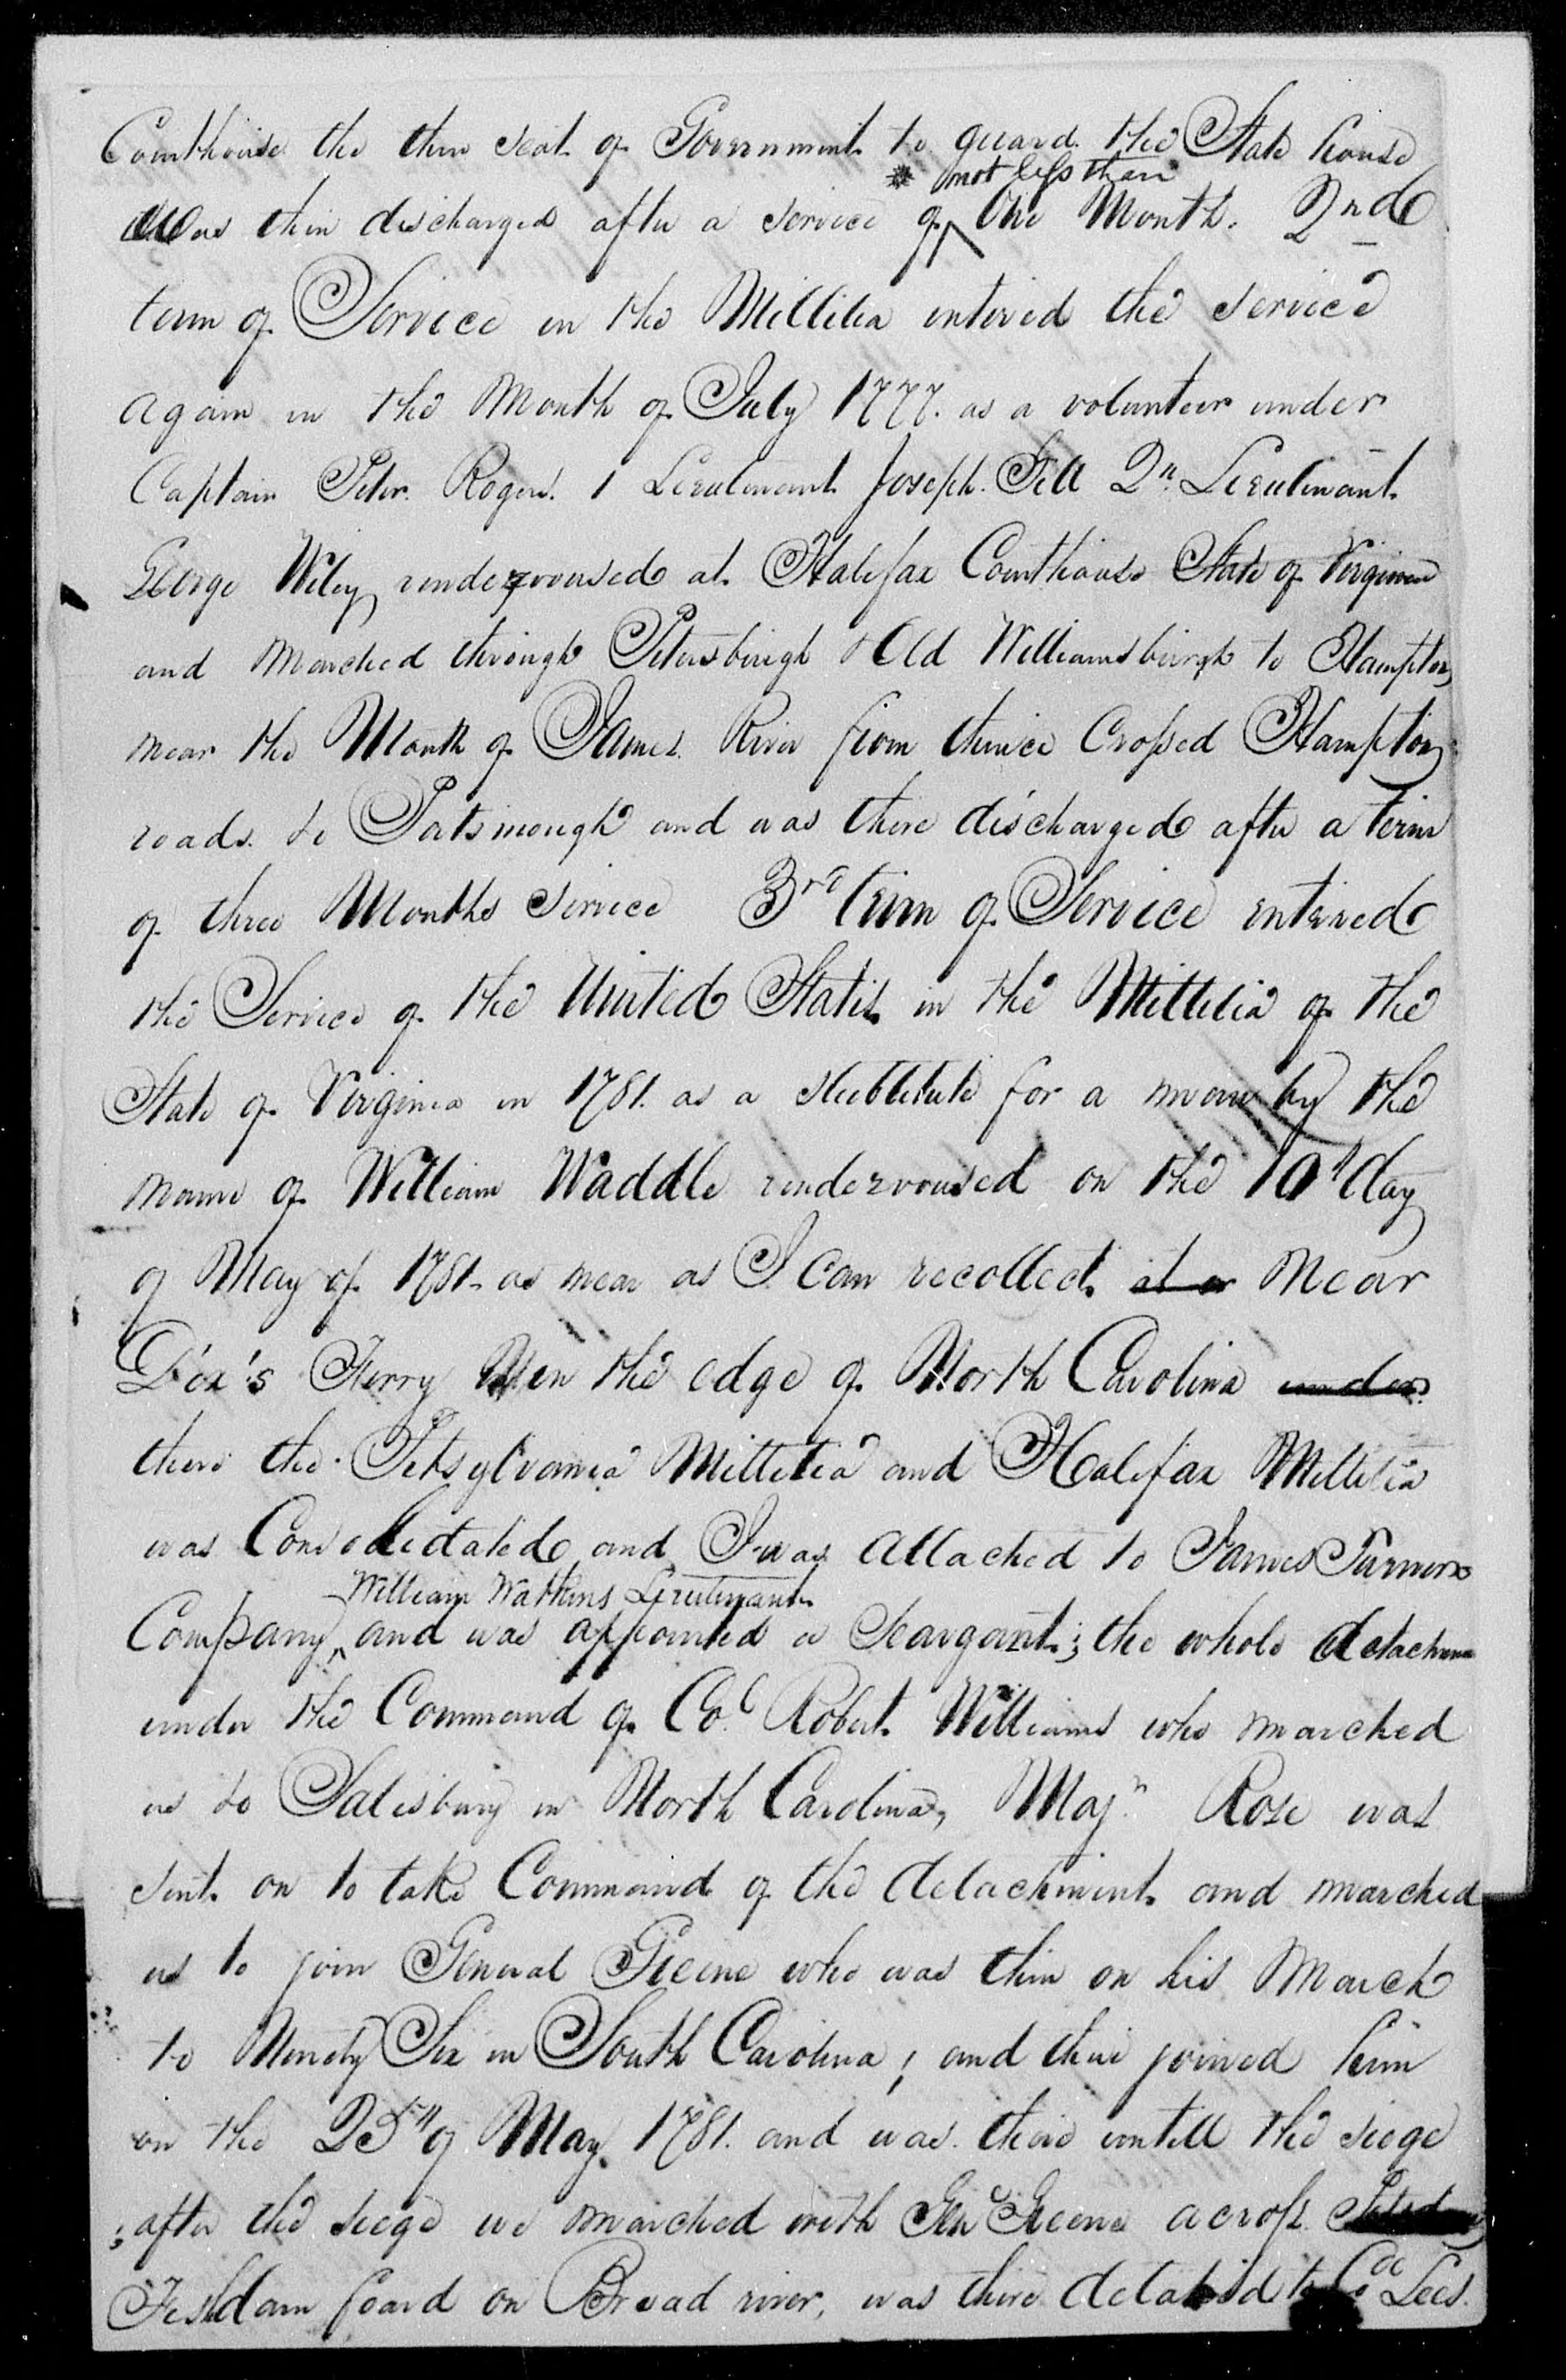Courthouse to the seat of Government to guard the State house Was then discharged after the service of not less than One Month. 2nd tour of Service in the Militia entered the service again in the Month of July 1777. as a volunteer under Captain Peter Rogers. 1 Lieutenant Joseph Sill 2" Lieutenant George Wiley, rendezvoused at Halifax Courthouse State of Virginia and Marched through Pittsburgh & Old Williamsburgh to Hampton near the Mouth of James River from thence Crossed Hampton roads to Portsmouth and was there discharged after a term of three Months Service 3rd term of Service entered the Service of the United States in the Militia of the State of Virginia in 1781. as a substitute for a man by the name of William Waddle rendezvoused on the 10" day of May of 1781. as near as I can recollect, Near Dox's Ferry Near the edge of North Carolina there the Pitsylvania Militia and Halifax Militia was Consolidated and I was attached to James Turners Company William Watkins Lieutenant and was appointed a Sergeant; the whole detachment under the Command of Col Robert Williams who marched us to Salisbury in North Carolina, Maj Rose was sent on to take Command of the detachment, and marched us to join General Greene who was then on his March to Monety Sir in South Carolina; and there joined him on the 25" of May 1781. and was there untill the siege; after the siege we marched with Gen Greene across Fresdann foard on Broad river, was there detached to Col Lees.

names: Greene, William Waddle, William Watkins, Robert Williams, Peter Rogers, Greene, Rose, James Turner, George Wiley, Lee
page: 49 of 54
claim: widow's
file: W. 3794, Nathan Formby, Va.